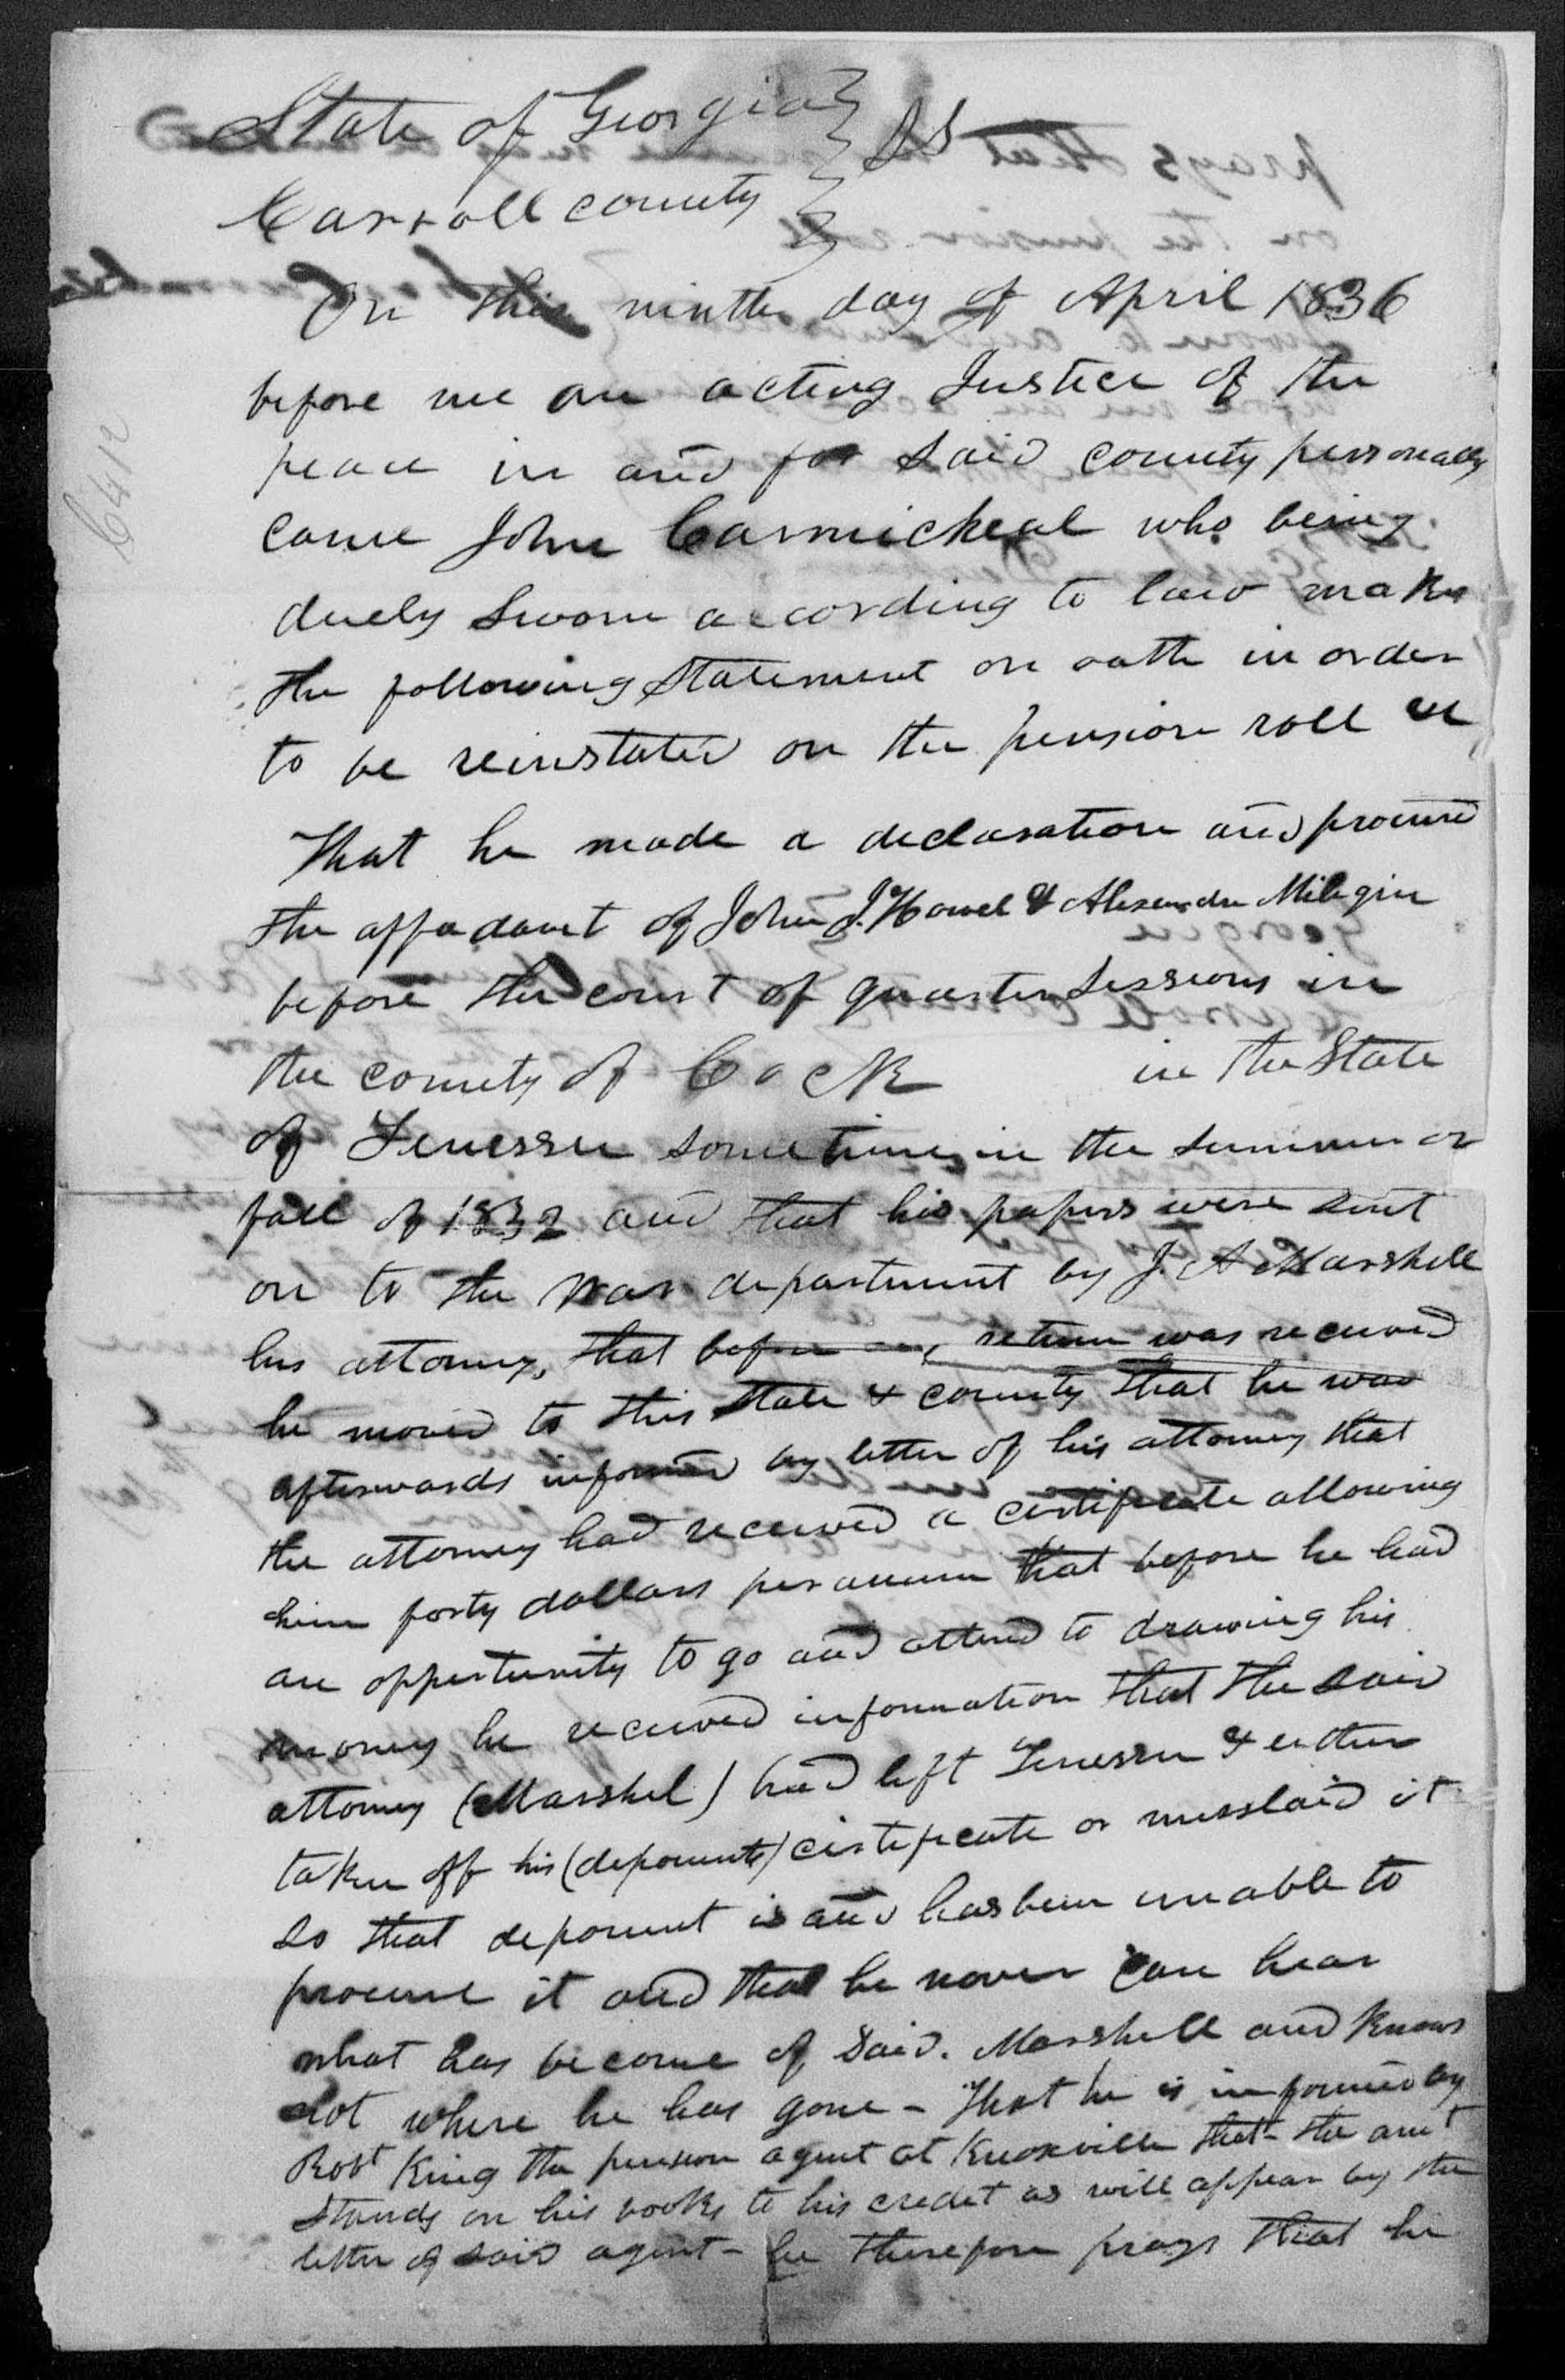State of Georgia
Carroll county } Ss

On the ninth day of April 1836 before me an acting Justice of the peace in and for Said county personally came John Carmicheal[sp] who being duely[sp] Sworn according to law makes the following Statement on oath in order to be reinstated on the pension roll—
That he made a declaration and procured the affadavit[sp] of John J. Howel & Alexander Miligin before the court of Quarter Sessions in the county of Cock[sp] in the State of Tenessee[sp] Sometime in the Summer or fall of 1832 and that his papers were sent on to the war department by J A Marshell[sp] his attorney, that before any return was recovered he moved to this state & county that he was afterwards informed by letter of his attorney that the attorney had received a certificate allowing him forty dollars per anum[sp] that before he had an oppertunity[sp] to go and attend to drawing his money he received information that the said attorney (Marshell) had left Tenessee[sp] & either taken off his (deponents)certificate or mislaid it so that deponent is and has been unable to procure it and that he never can hear what has become of Said Marshell and Knows not where he has gone—That he is informed by Robt King the pension agent at Knoxville that the amt 
Stands on his books to books to his credit as will appear by the letter of said agent — he therefore prays that he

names: John Carmickeal, J A Marshell, Marshel, Alexander Miliqin, Marshell, John J Howel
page: 20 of 42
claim: survivor's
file: S. 31,595, John Carmickele, Penn.